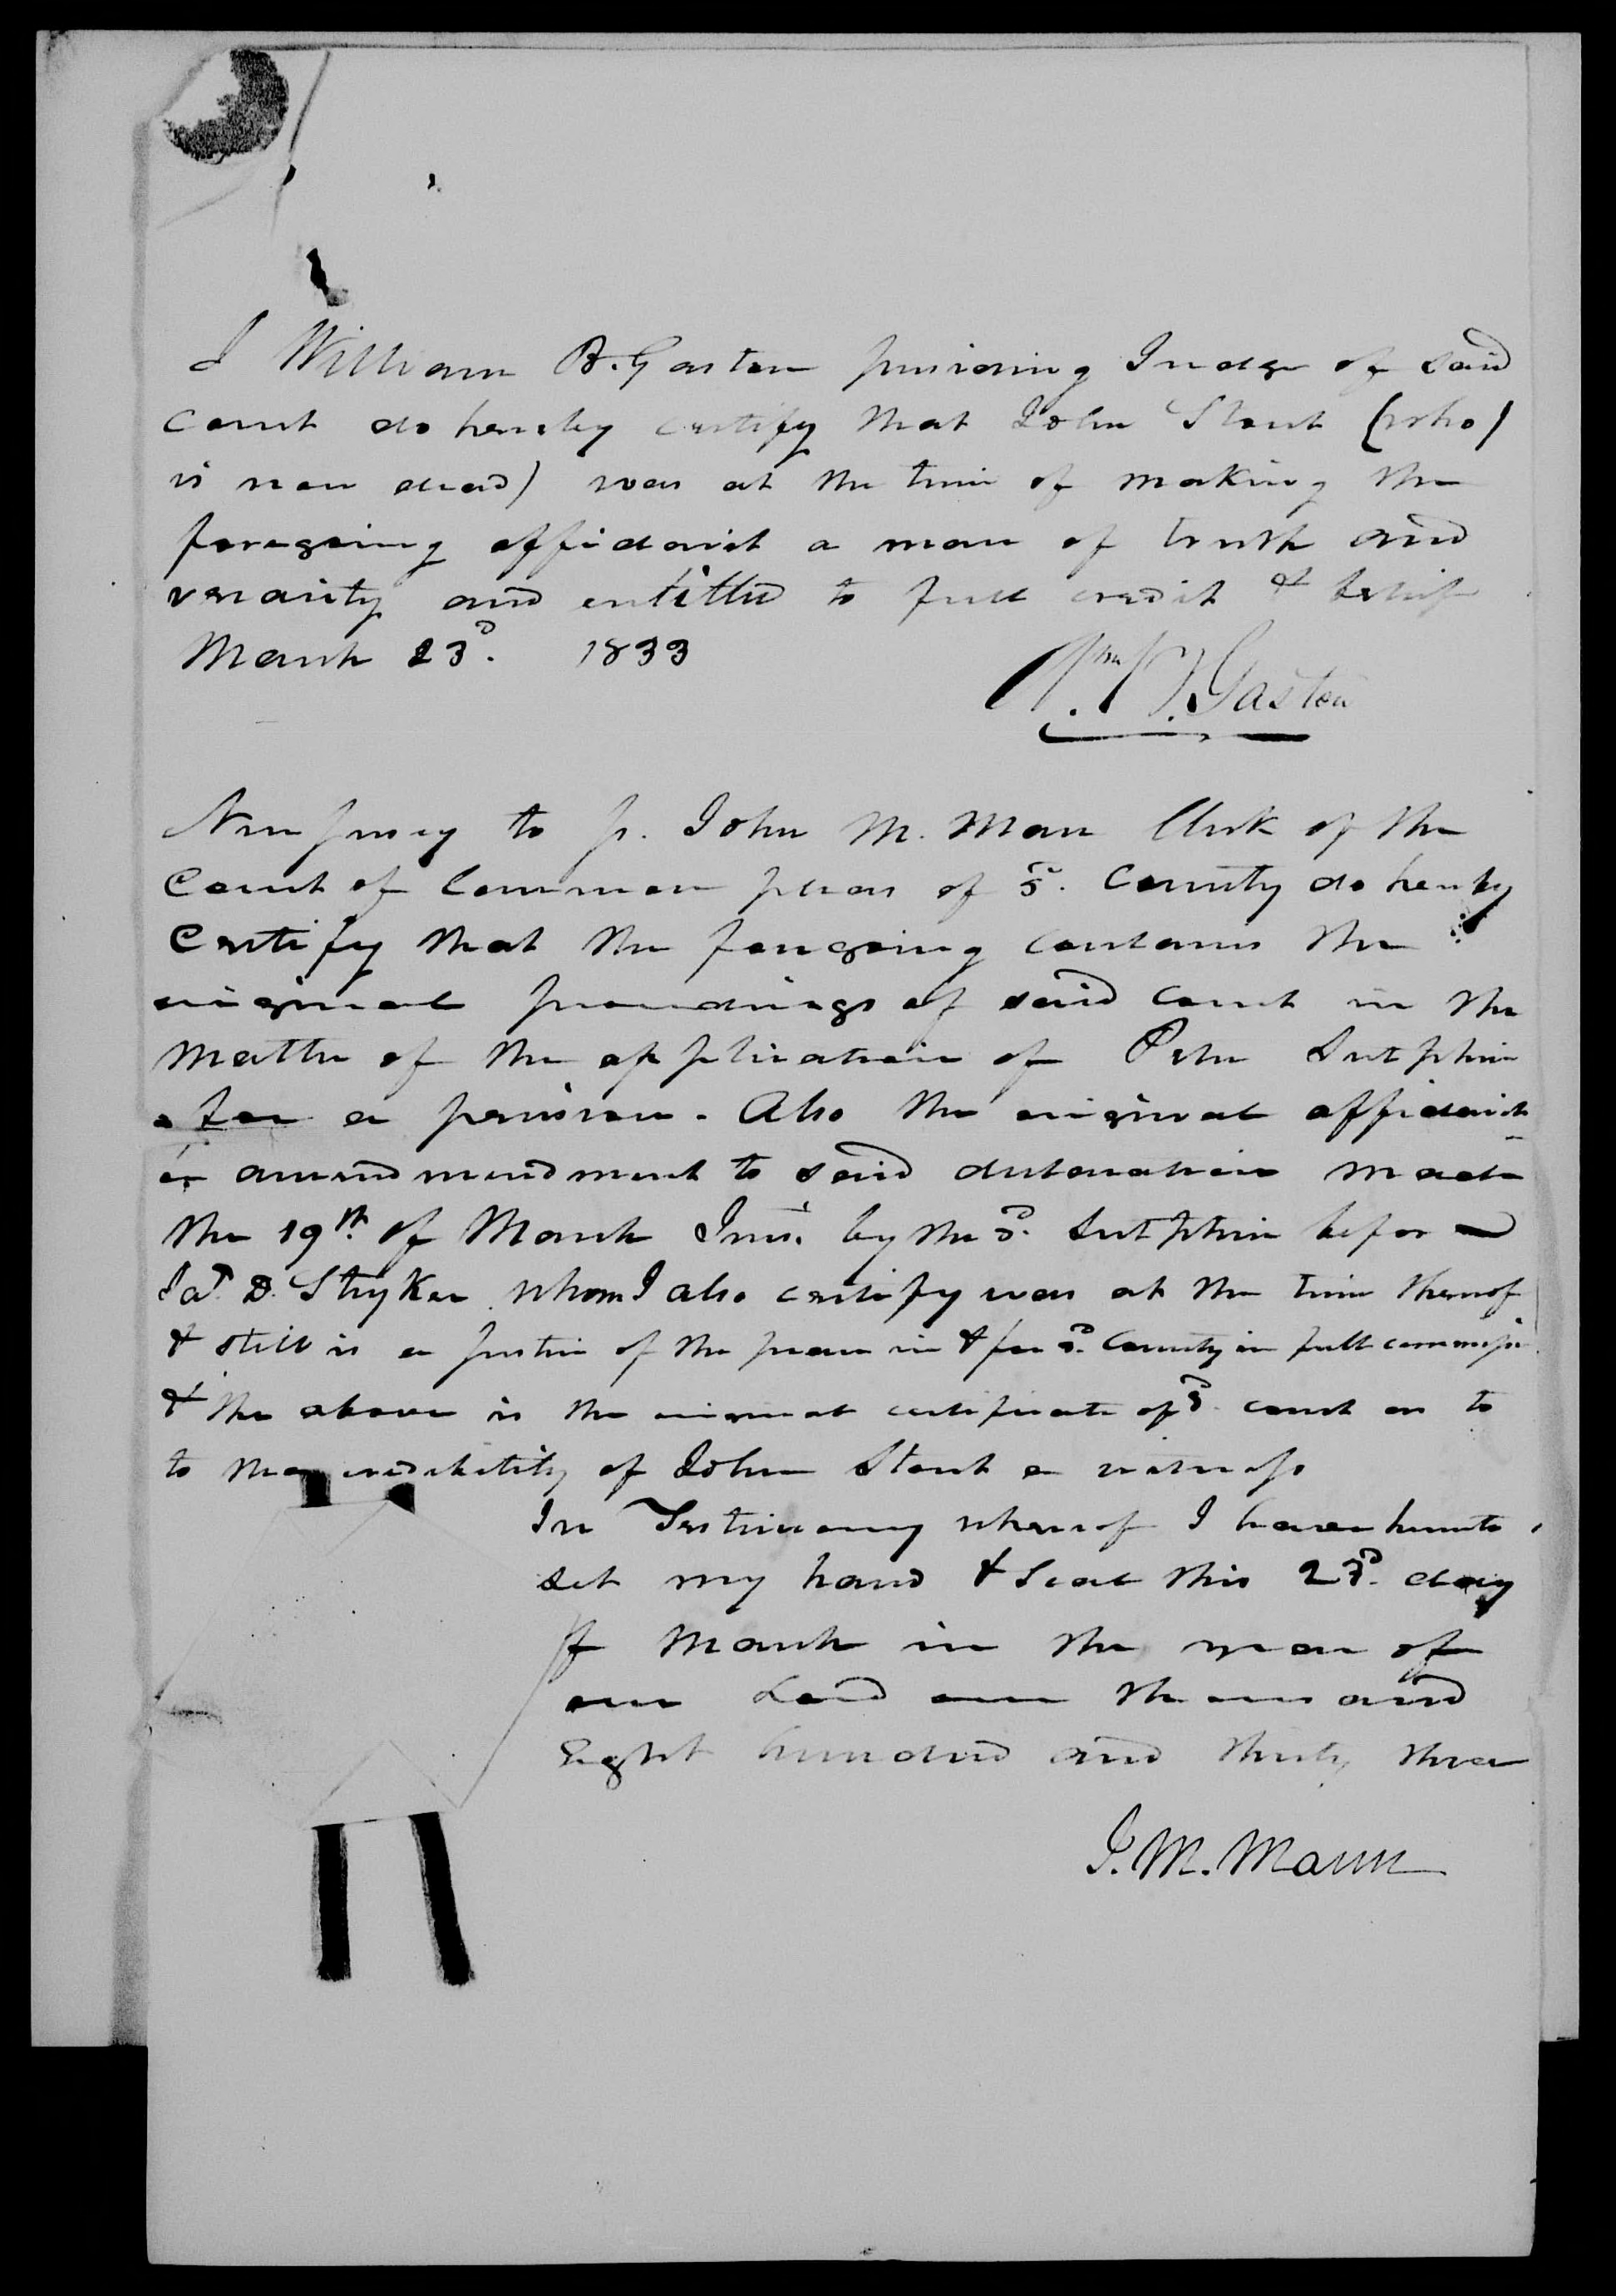I, William B. Gaston, presiding Judge of said Court do hereby certify that John Stout (who is now dead) was at the time of making the foregoing affidavit a man of truth and veracity and entitled to full credit & belief.
March 23, 1833
s/ William B. Gaston

New Jersey to Ss. John M. Mann, Clerk of the Court of Common pleas of said County do hereby certify that the foregoing contains the original proceedings of said Court in the matter of the application of Peter Sutphin for a pension. Also the original affidavit is added amendment to said deposition made
the 19th of March subscribed by the said Sutphin before Jurat D. Stryker, whom I also certify was at the time thereof & still is a Justice of the Peace in & for said County in full commission & the above is the original certificate of said Court on the [repeated: to] credibility of John Stank, a witness.

In Testimony whereof I have hereunto set my hand & seal this 23rd day of March in the year of our Lord One Thousand Eight Hundred and Thirty three.
s/ J.M. Mann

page: 14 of 14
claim: survivor's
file: S. 1119, for Peter Sutphen, New Jersey